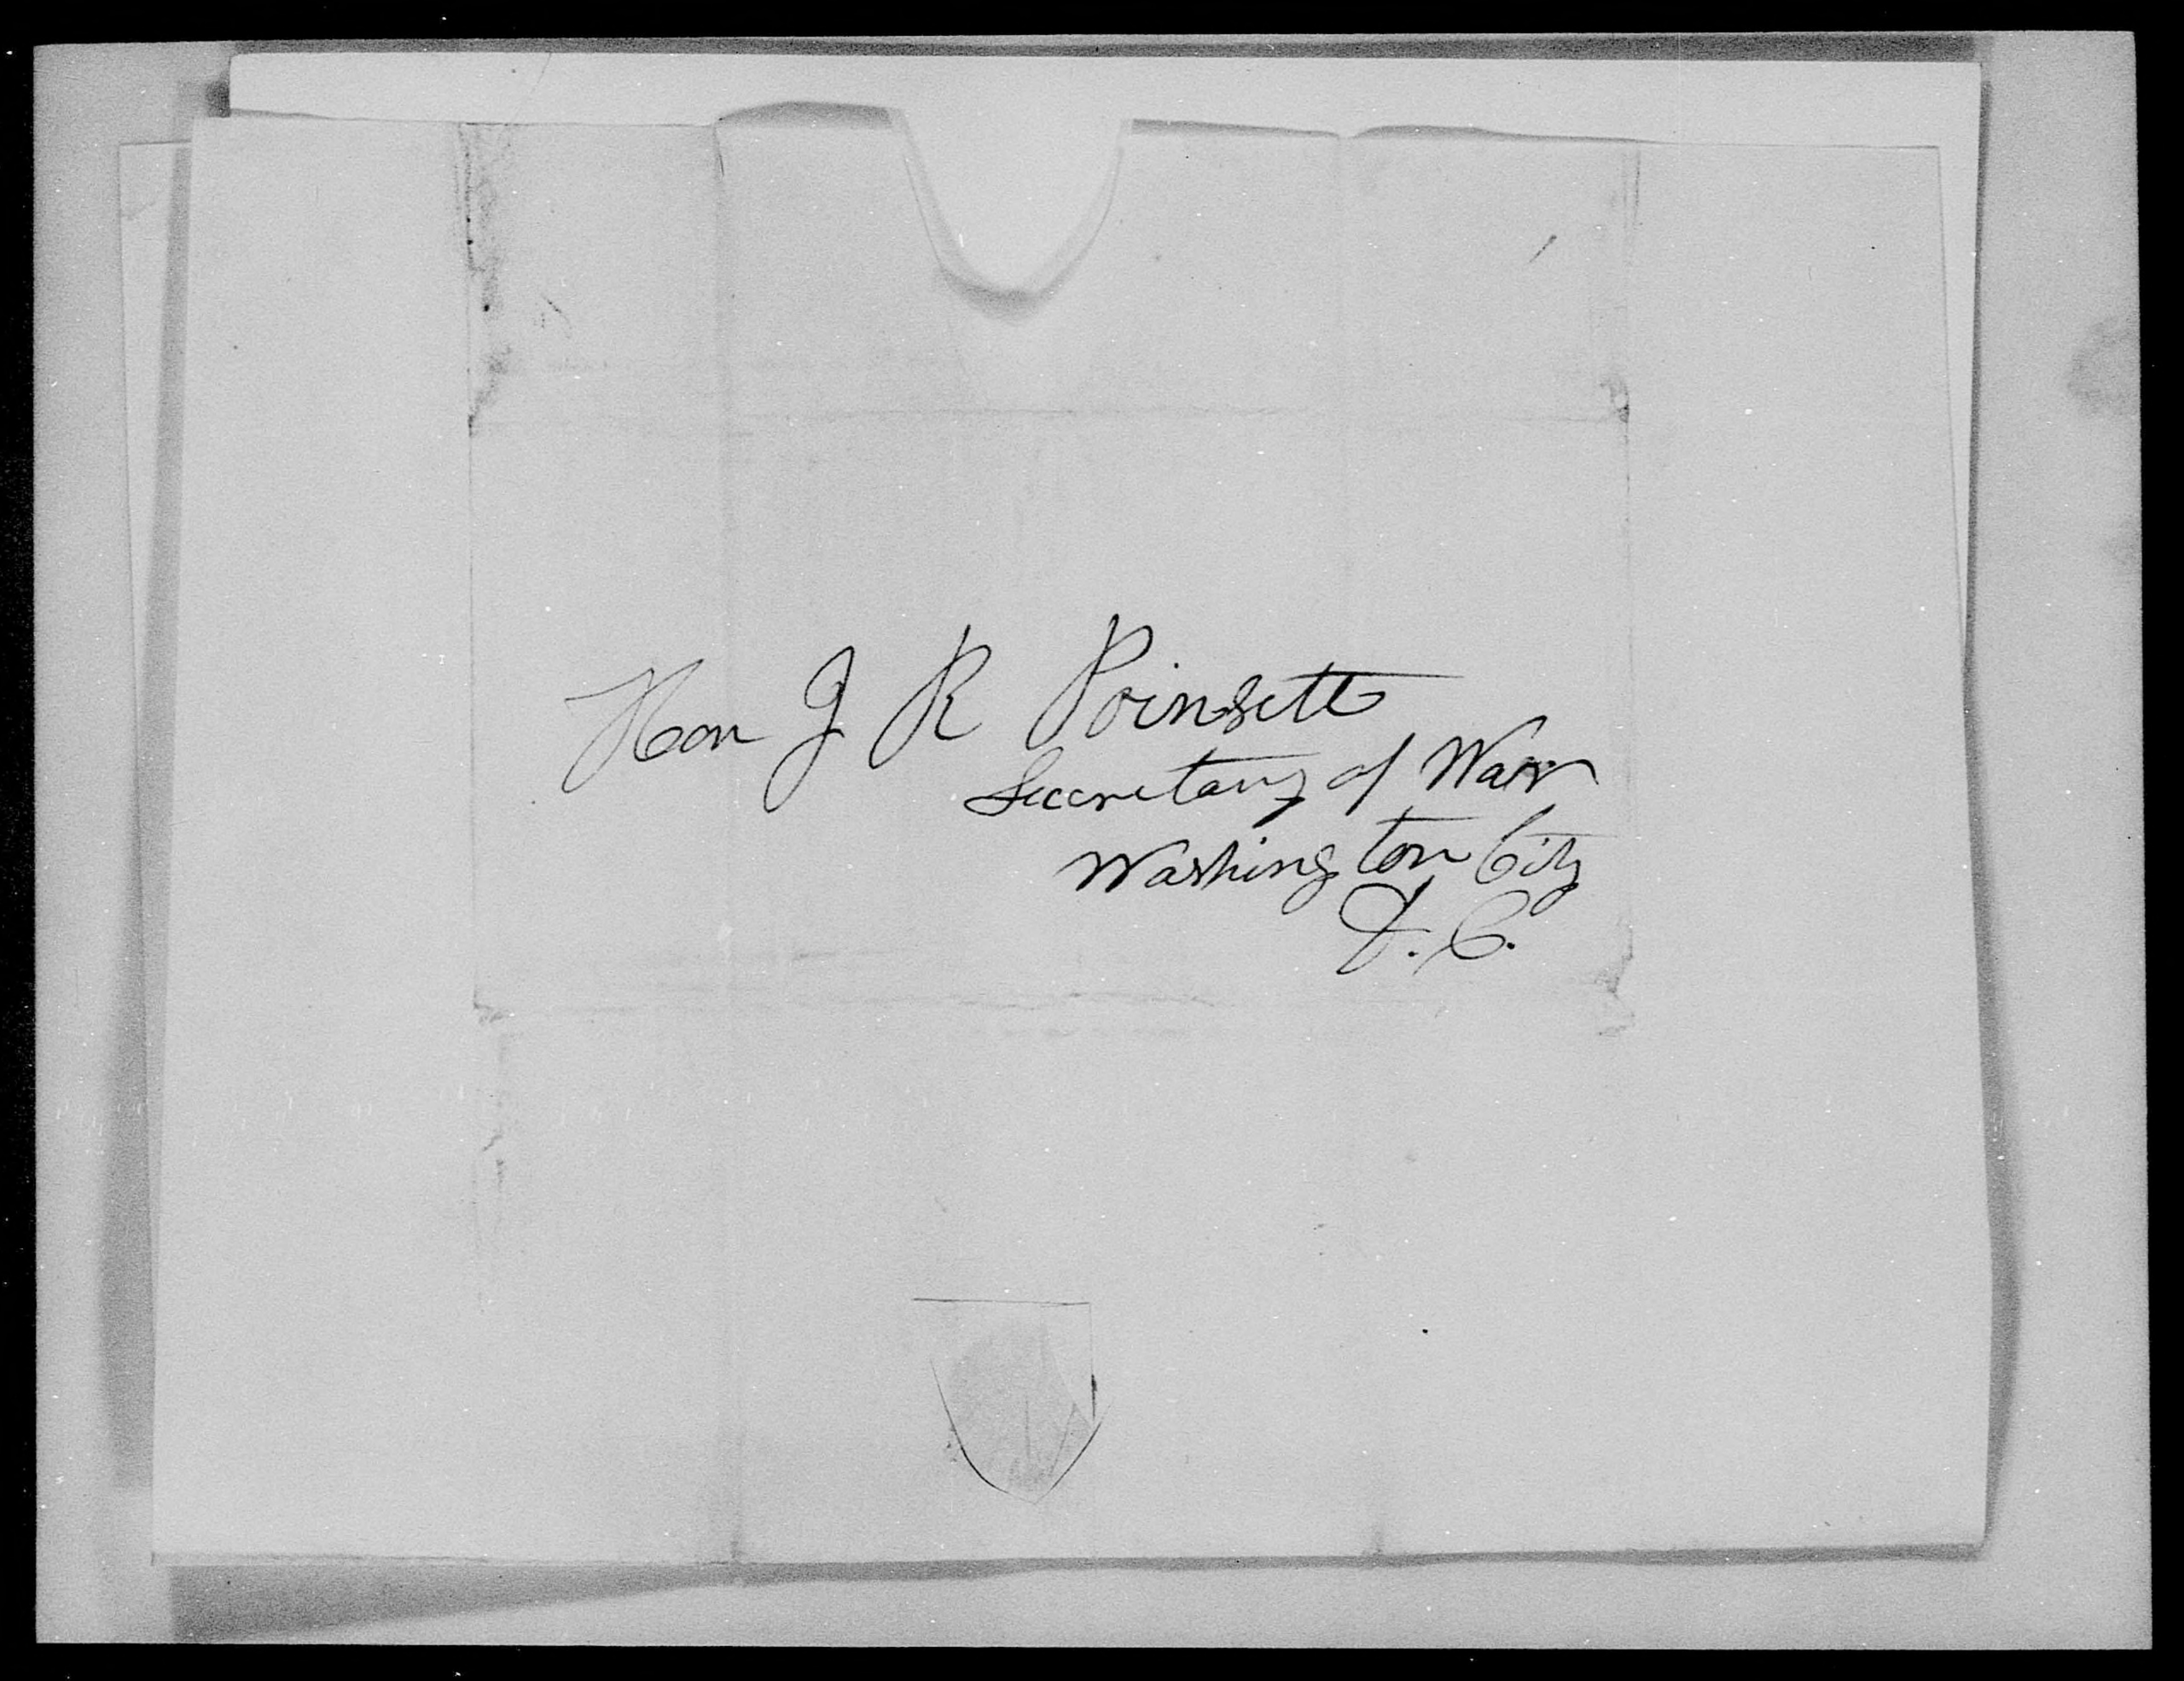Hon J R Poinsett
Secretary of War
Washington City
D.C.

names: J R Poinsett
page: 25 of 25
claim: survivor's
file: S. 38109, for Thomas Keates, Maryland